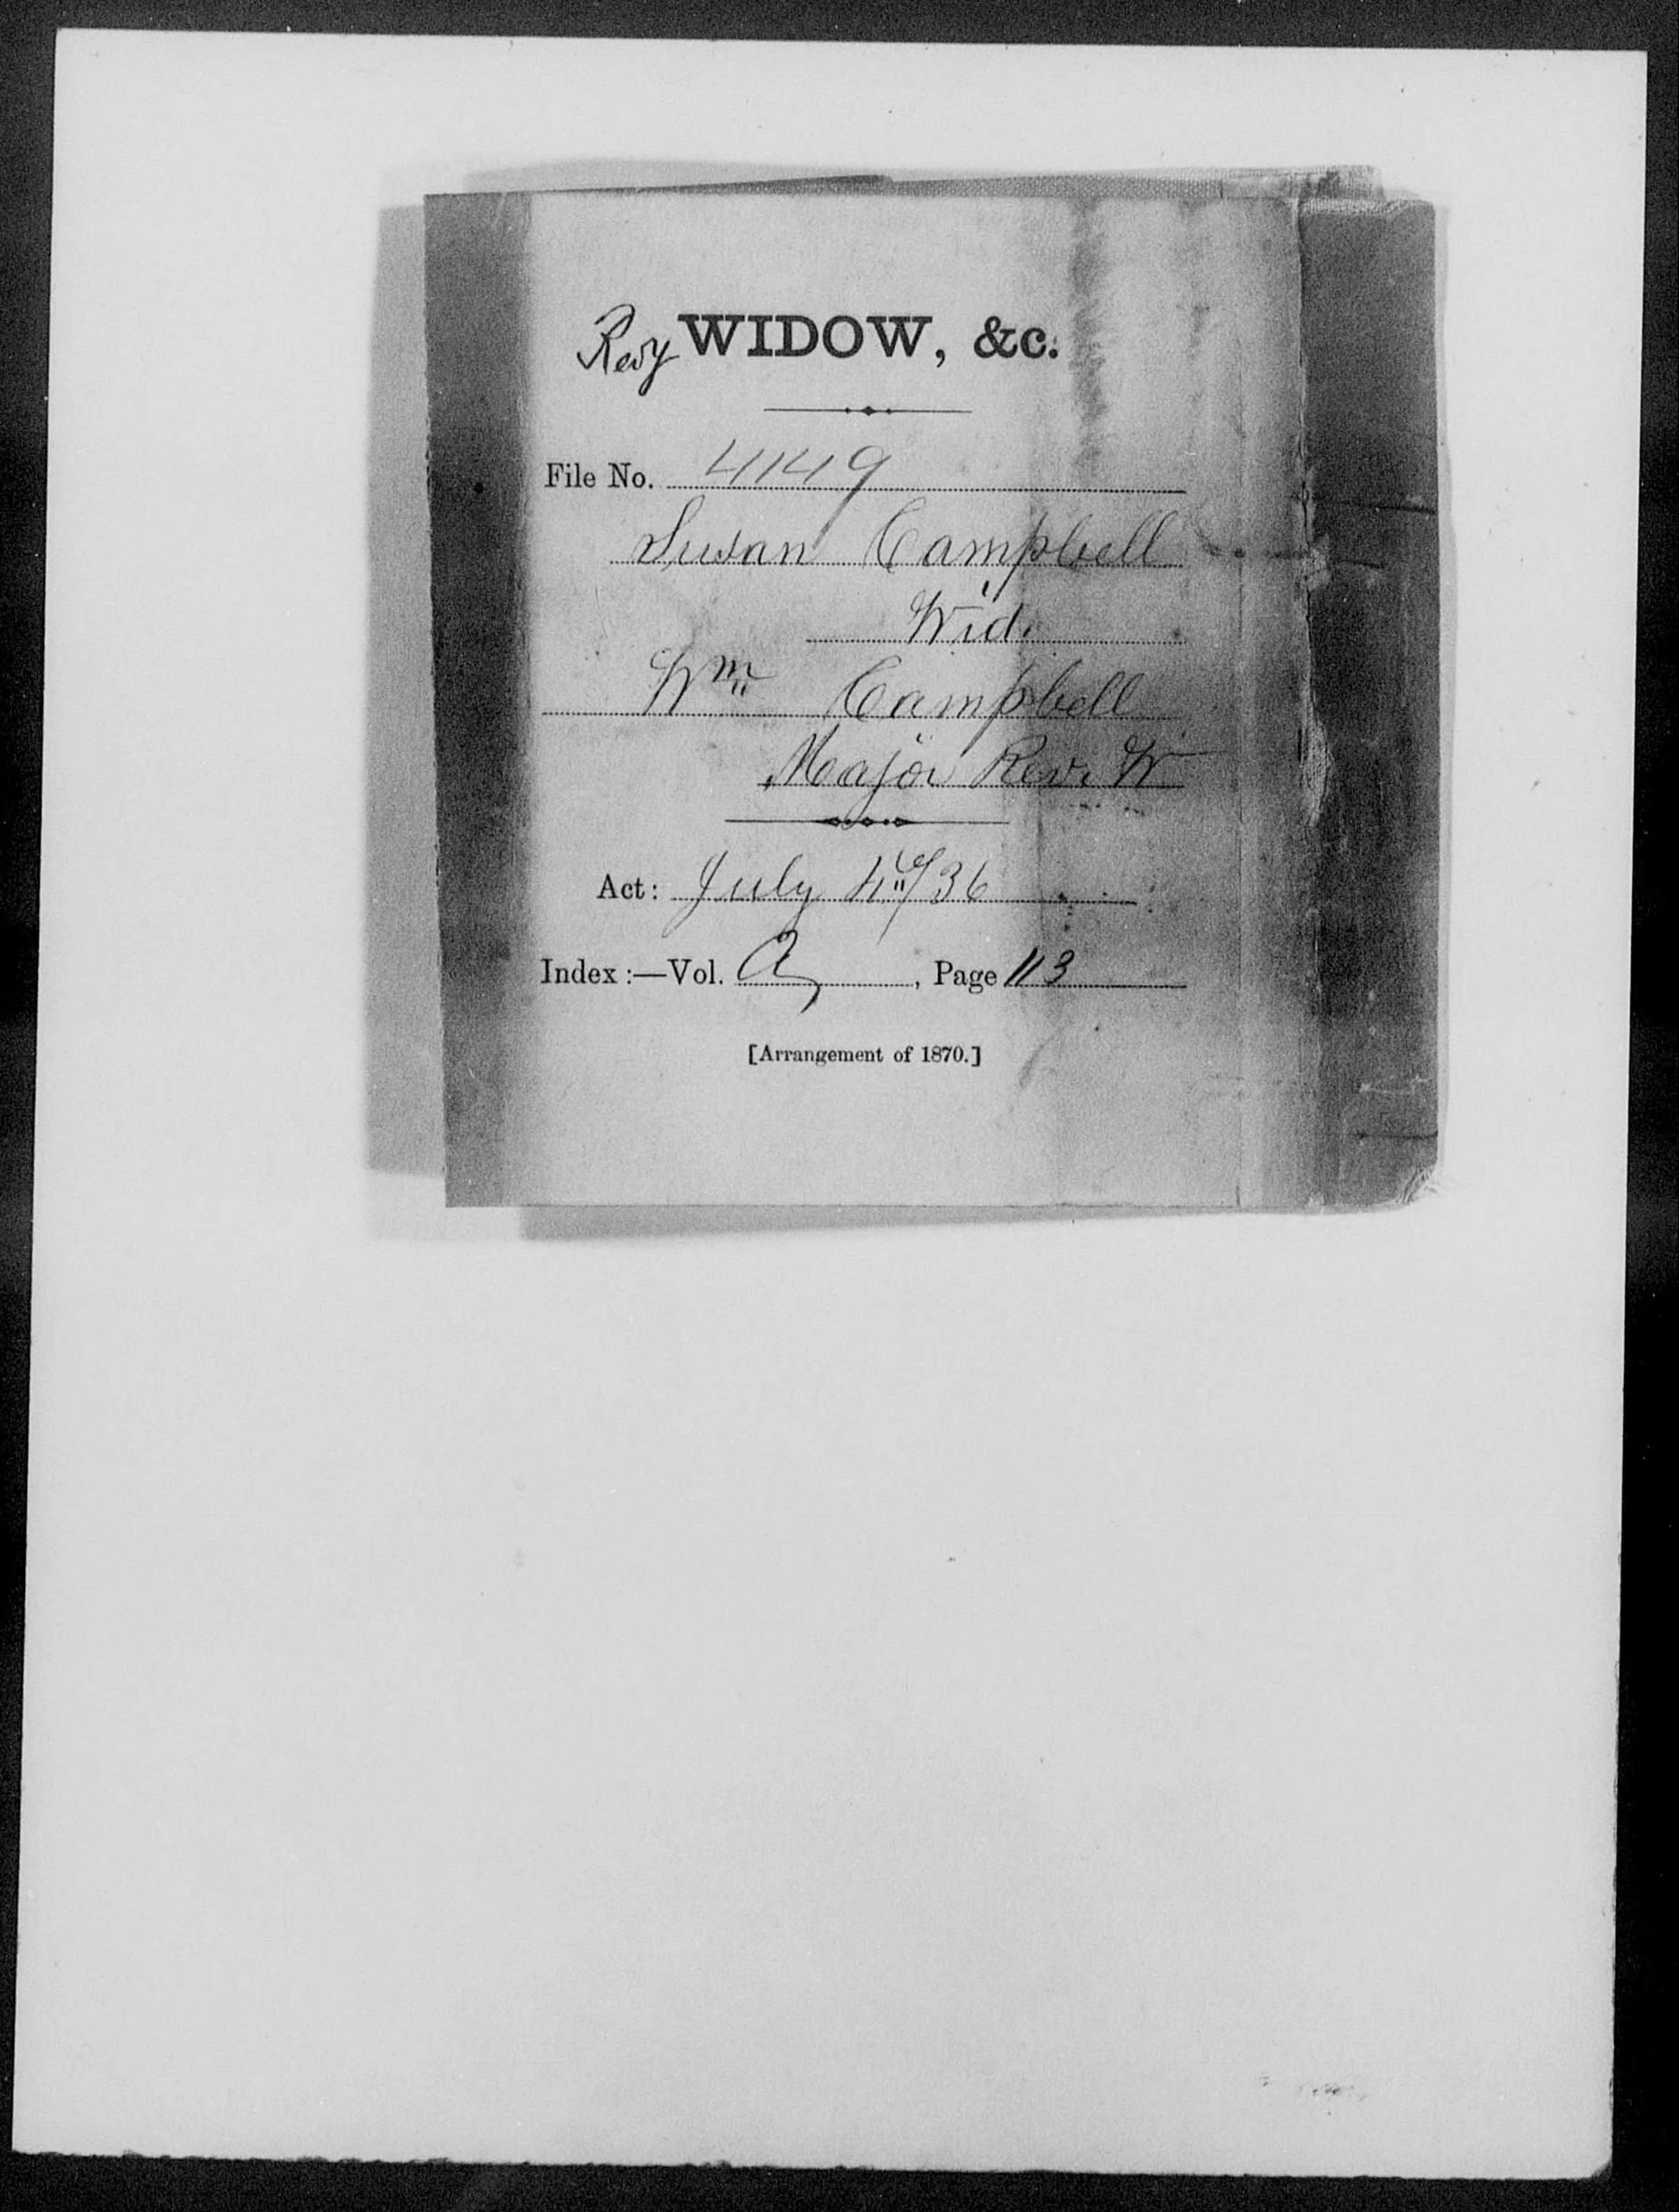Revy WIDOW, &c. [et cetera]

File No  4149
Susan Campbell
Wid.
Wm Campbell
Major Rev. W

Act:  July 4th /36

Index: ---- Vol.  A.  ,  Page  113

[Arrangement of 1870]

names: Susan Campbell, Wm Campbell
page: 38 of 267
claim: widow's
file: W. 4,149, William Campbell, Va.